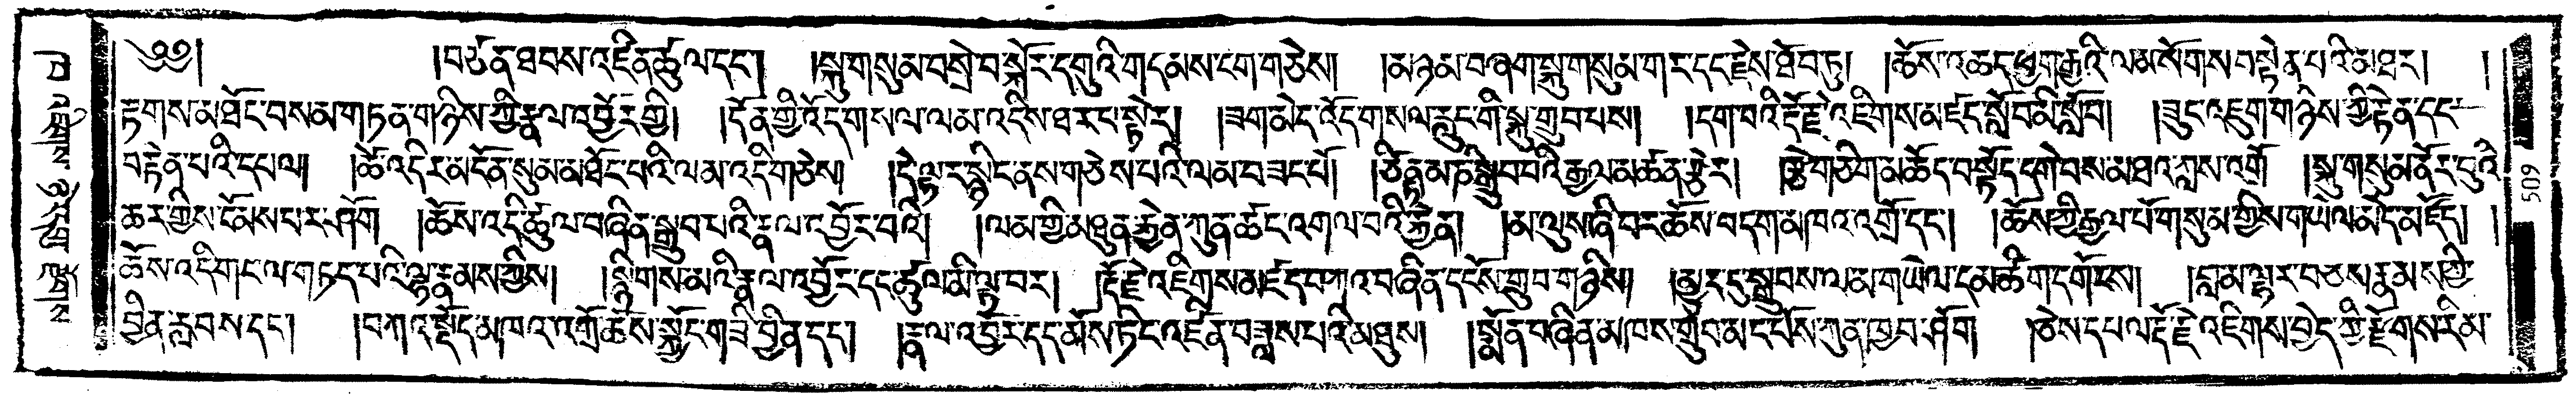༄༅། །བཙན་ཐབས་འཛིན་ཚུལ་དང་། །སྐུ་གསུམ་བསྲེ་བསྐོར་དགུའི་གདམས་ངག་གཅེས། །མཉམ་བཞག་སྐུ་གསུམ་གར་དང་རྗེས་ཐོབ་ཏུ། །ཆོས་འཆད་ཕྱག་རྒྱའི་ལམ་སོགས་བསྟེན་པའི་མཐར། །
རྟགས་མཐོང་བསམ་གཏན་གཉིས་ཀྱི་རྣལ་འབྱོར་གྱི། །དོན་གྱི་འོད་གསལ་ལམ་འདིས་ཐར་པ་སྟེར། །ཟག་མེད་འོད་གསལ་རླུང་གི་སྐུ་གྲུབ་པས། །དག་བའི་རྡོ་རྗེ་འཇིགས་མཛད་སློབ་མི་སློབ། །ཟུང་འཇུག་གཉིས་ཀྱི་རྟེན་དང་
བརྟེན་པའི་དཔལ། །ཚེ་འདིར་མངོན་སུམ་མཐོང་པའི་ལམ་འདི་གཅེས། །དེ་ལྟར་སྙིང་ནས་གཅེས་པའི་ལམ་བཟང་པོ། །ཙིནྟ་མ་ཎི་སྒྲུབ་པའི་རྒྱལ་མཚན་རྩེར། །རྩེ་གཅིག་མཆོད་བསྟོད་དགེ་བས་མཐའ་ཀླས་འགྲོ་།སྐུ་གསུམ་ནོར་བུའི་
ཆར་གྱིས་ངོམས་པར་ཤོག །ཆོས་འདི་ཚུལ་བཞིན་སྒྲུབ་པའི་རྣལ་འབྱོར་བའི། །ལམ་གྱི་མཐུན་རྐྱེན་ཀུན་ཚང་འགལ་བའི་རྐྱེན། །མ་ལུས་ཞི་བར་ཆོས་བདག་མཁའ་འགྲོ་དང་། །ཆོས་ཀྱི་རྒྱལ་པོ་གསུམ་གྱིས་གཡེལ་མེད་མཛོད། །
ཆོས་འདི་གང་ལ་གཏད་པའི་ལྷ་རྣམས་ཀྱིས། །སྙིགས་མའི་རྣལ་འབྱོར་དང་ཚུལ་མི་ལྟ་བར། །རྡོ་རྗེ་འཇིགས་མཛད་བཀའ་བཞིན་དངོས་གྲུབ་གཉིས། །མྱུར་དུ་སྒྲུབས་ལ་མ་གཡེལ་དམ་ཚིག་དགོངས། །བླ་མ་ལྷར་བཅས་རྣམས་ཀྱི་
བྱིན་རླབས་དང་། །བཀའ་སྡོད་མཁའ་འགྲོ་ཆོས་སྐྱོང་གཟི་བྱིན་དང་། །རྣལ་འབྱོར་དད་མོས་ཏིང་འཛིན་བཟླས་པའི་མཐུས། །སྨོན་བཞིན་མཁས་གྲུབ་མང་པོས་ཀུན་ཁྱབ་ཤོག །ཅེས་དཔལ་རྡོ་རྗེ་འཇིགས་བྱེད་ཀྱི་རྫོགས་རིམ་